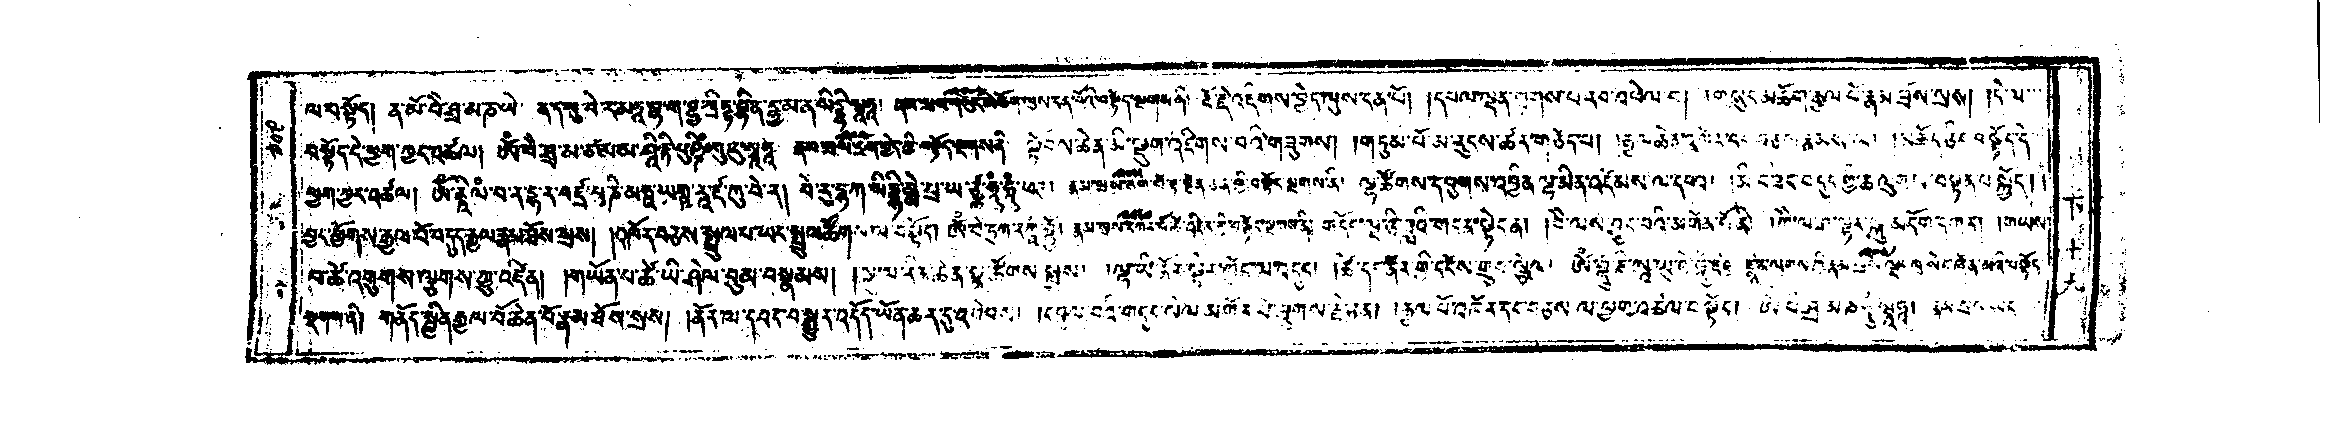ལ་བསྟོད། ན་མོ་བཻ་ཤྲ་མ་ཎ་ཡེ། ན་ད་ཀུ་བེ་ར་མཧཱ་བྷ་ག་བྷྱ་ཀྲིཏྟ་བྷི་ན་དྷྱ་མ་ན་སིདྡྷི་སྭཱཧཱ། རྣམ་སྲས་གསུང༢༠༣་མཆོག་ལུས་ངན་པོའི་བསྟོད་སྔགས་ནི། རྡོ་རྗེ་འཇིགས་བྱེད་ལུས་ངན་པོ། །དཔལ་ལྡན་གྲགས་པ་རབ་འཕེལ་བ། །གསུང་མཆོག་རྒྱལ་པོ་རྣམ་ཐོས་སྲས། །དེ་ལ་
བསྟོད་དེ་ཕྱག་ཀྱང་འཚལ། ཨོཾ་བཻ་ཤྲ་མ་ཎ་མ་མ་ཀཱིརྟི་པུཥྜིཾ་ཀུ་རུ་སྭཱཧཱ། རྣམ་སྲས༢༠༤?་དྲག་བྱེད་ཀྱི་བསྟོད་སྔགས་ནི། སྟོབས་ཆེན་མི་སྡུག་འཇིགས་པའི་གཟུགས། །གཏུམ་པོ་མ་རུངས་ཚར་གཅོད་པ། །རྒྱལ་ཆེན་འཁོར་དང་བཅས་རྣམས་ལ། །མཆོད་ཅིང་བསྟོད་དེ་
ཕྱག་ཀྱང་འཚལ། ཨོཾ་ནཱི་ལཾ་བ་ར་དྷ་ར་བཛྲ་པཱ་ཎི་མཧཱ་ཡཀྵ་རཱ་ཛ་ཀུ་བེ་ར། བཻ་རུ་དྷ་ཀ་སིདྡྷི་མྨེ་པྲ་ཡ་ཙྪ་ཧཱུཾ་ཧཱུཾ་ཕཊ། རྣམ་སྲས༢༠༥་ནག་པོ་རྟ་སྔོན་ཅན་གྱི་བསྟོད་སྔགས་ནི། ལྷ་ཚོགས་དབུགས་འབྱིན་ལྷ་མིན་འཇོམས་ལ་དཔའ། །མི་བཟད་བདུད་གྱི་ཆ་ལུགས་བསྟན་པ་སྐྱོང?། །
བྱང་ཕྱོགས་རྒྱལ་པོ་བདུད་རྒྱལ་རྣམ་ཐོས་སྲས། །འཁོར་བཅས་སྤྲུལ་པ་ཡང་སྤྲུལ་ཚོགས་ལ་བསྟོད། ཨོཾ་བེ་ཏྲཀ་རཀྵ་བྷྱོ། རྣམ་སྲས༢༠༦་དཀར་པོ་ཚེ་འཛིན་གྱི་བསྟོད་སྔགས་ནི། གདོང་ལྔ་ཉི་ཟླའི་གདན་སྟེང་ན། །བཻ་ལས་བྱུང་བའི་མགོན་པོ་ནི། །ཀཻ་ལ་ཤ་ལྟར་སྐུ་མདོག་དཀར། །གཡས་
པ་ཚེ་འགུགས་ལྕགས་ཀྱུ་འཛིན། །གཡོན་པ་ཚེ་ཡི་ཤེལ་བུམ་བསྣམས། །སྐུ་ལ་རིན་ཆེན་སྣ་ཚོགས་སྤྲས། །ལྷ་ཡི་ནོར་སྟེར་ཁྱོད་ལ་འདུད། །ཚེ་དང་ནོར་གྱི་དངོས་གྲུབ་སྩོལ། ཨོཾ་བྷྲུཾ་ཎི་ཨཱ་ཡུ་ཥེ་ཧཱུཾ་ཛཿ ཛྙཱ་ན་ལུགས་ཀྱི་རྣམ་སྲས༢༠༧་ལྗང་ཁུ་སེང་ཞོན་མའི་བསྟོད་
སྔགས་ནི། གནོད་སྦྱིན་རྒྱལ་པོ་ཆེན་པོ་རྣམ་ཐོས་སྲས། །ནོར་ལ་དབང་བསྒྱུར་འདོད་ཡོན་ཆར་དུ་འབེབས། །དབུལ་བའི་གདུང་སེལ་མགོན་པོ་ཐུགས་རྗེ་ཅན། །རྒྱལ་པོ་འཁོར་དང་བཅས་ལ་ཕྱག་འཚལ་བསྟོད། ཨོཾ་བཻ་ཤྲ་མ་ཎ་ཧཱུཾ་སྭཱཧཱ། རྣམ་སྲས་ཡང